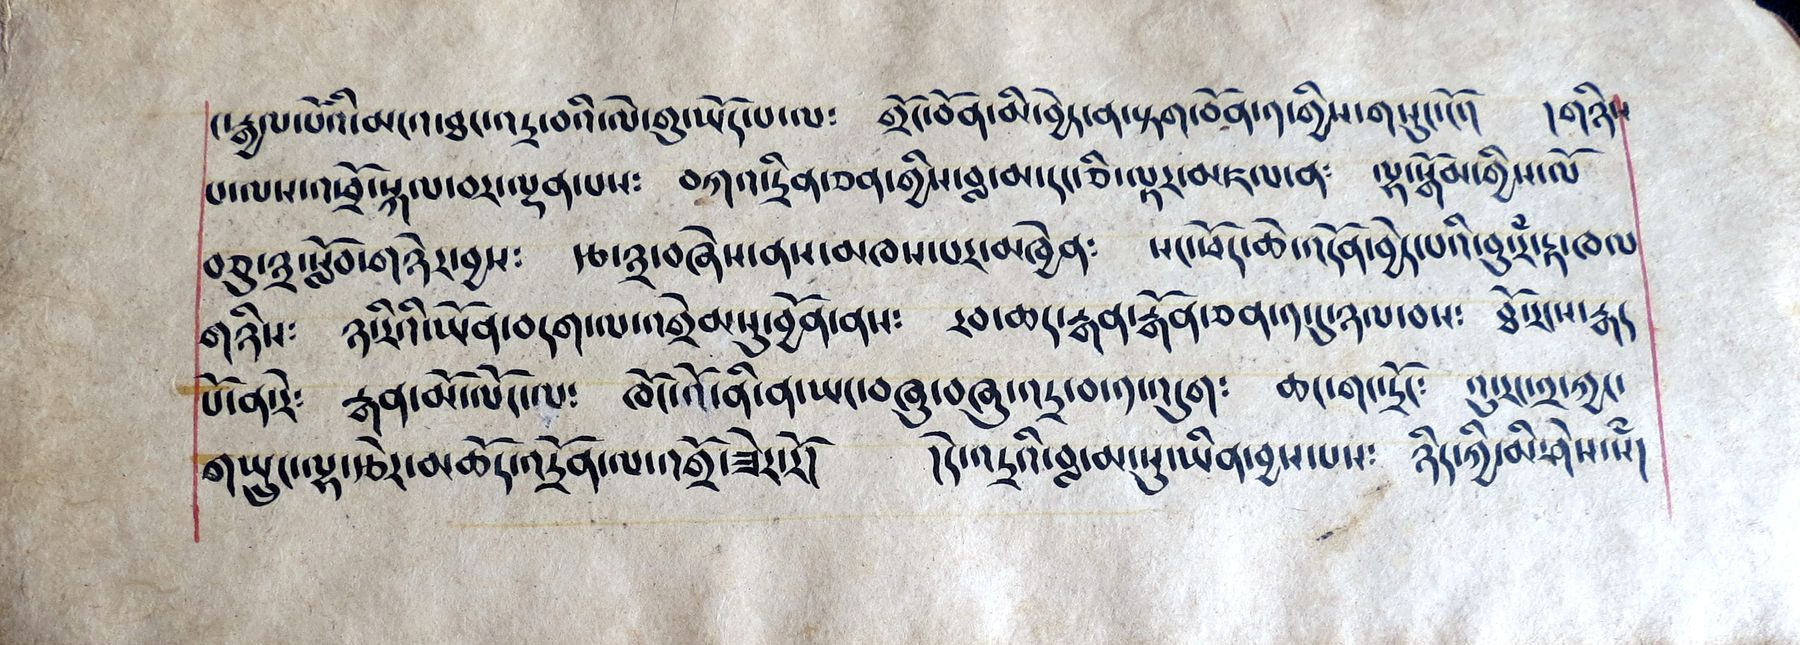ང་རྒྱལ་པོའི་མངའ་ཐང་འདྲ་བའི་ལེ་གུ་ཡོད་པ་ལ། གྲོང་བོན་མི་བྱེད་ན་སྟག་བོན་ཅིག་གྱིས་གསུངས་སོ། །གཉིས་
པ་ལས་འཕྲོ་དང་སྐལ་པར་ལྡན་པས། བཀའ་དྲིན་ཅན་གྱི་བླ་མ་དང་ཅི་ལྟར་མཇལ་ན། ལྷ་སྒོམ་གྱིས་ལོ་
བཅུ་གསུམ་སློབ་གཉེར་བྱས། རྩ་གསུམ་བཞེས་ནས་མཁས་པར་མཁྱེན། སངས་ཕོད་ཆེ་འདོན་བྱེད་པའི་བུ་རམ་རྟ་ཁལ་
གཉིས། ཉ་རེའི་ཡོན་བདག་ལ་འགྲེམས་སུ་བྱོན་ནས། རབས་ཆད་རྒན་རྒོན་ཅིག་ཅན་དུ་ཉལ་བས། ཐོ་རེངས་རྒད་
པོས་ན་རེ། རྒད་མོ་ལངས་ལ་ཁོང་འོ་ནི་ན་ཡང་བཞུ་བཞུ་འདྲ་བ་ཞིག་འདུག ཆང་གང་དྲོངས། འུ་རང་གཉིས་ཀྱང་
གཡུང་དྲུང་ལྷ་རྩེར་མཆོད་མགྲོན་ལ་འགྲོ་ཟེར་རོ། །དེ་འདྲའི་བླ་མ་སུ་ཡིན་བྱས་པས། ཉིད་ཀྱིས་མི་ཤེས་སམ།